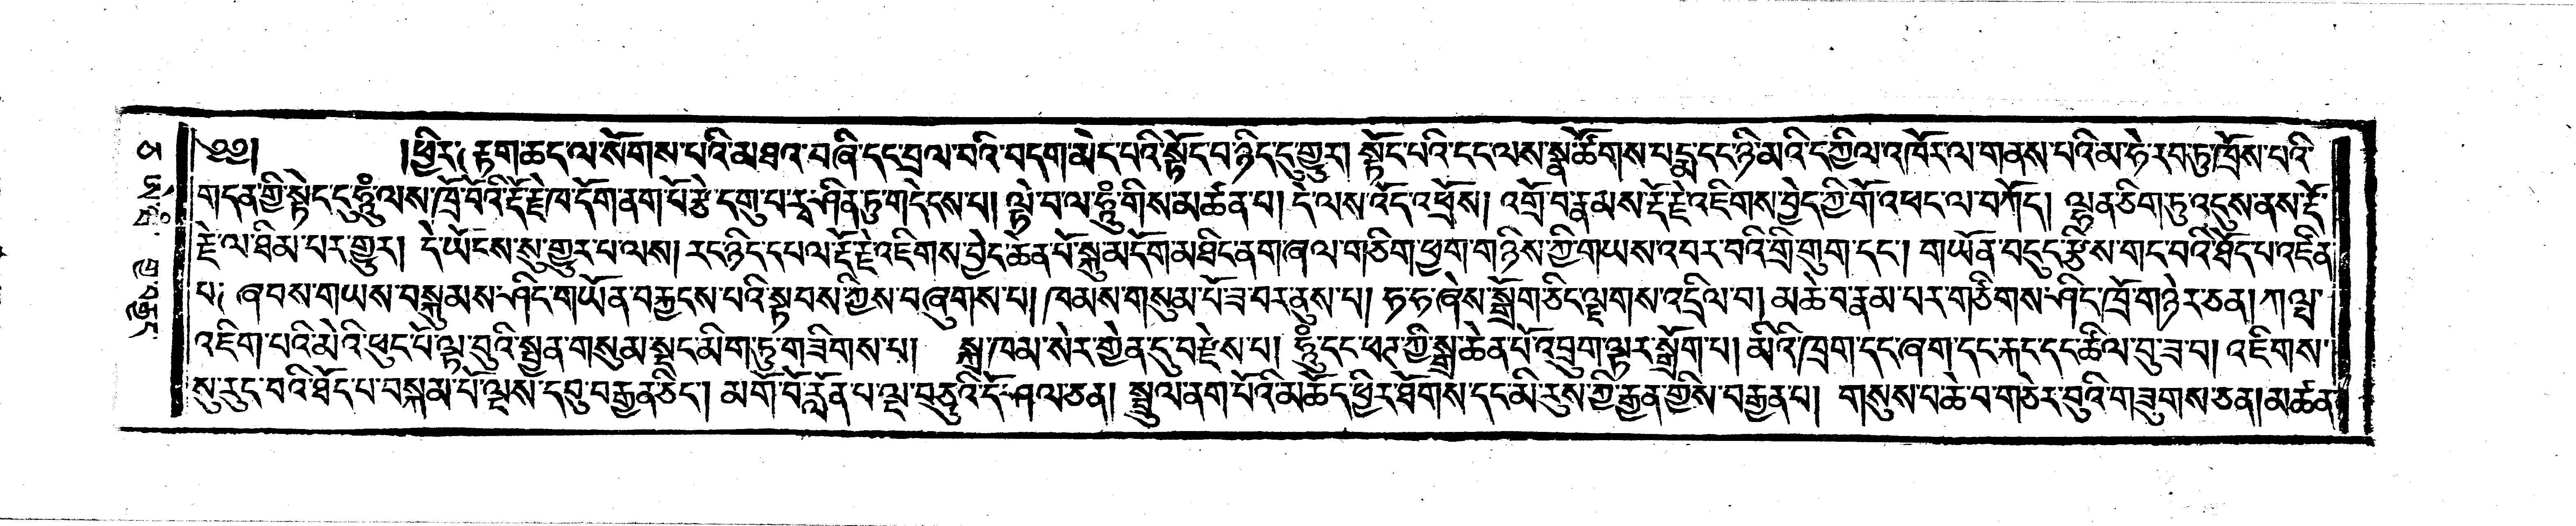༄༅། །ཕྱིར༑ རྟག་ཆད་ལ་སོགས་པའི་མཐའ་བཞི་དང་བྲལ་བའི་བདག་མེད་པའི་སྟོང་པ་ཉིད་དུ་གྱུར། སྟོང་པའི་ངང་ལས་སྣ་ཚོགས་པདམ་དང་ཉི་མའི་དཀྱིལ་འཁོར་ལ་གནས་པའི་མ་ཧེ་རབ་ཏུ་ཁྲོས་པའི་
གདན་གྱི་སྟེང་དུ་ཧཱུཾ་ལས་ཁྲོ་བོའི་རྡོ་རྗེ་ཁ་དོག་ནག་པོ་རྩེ་དགུ་པ་རྭ་ཤིན་ཏུ་གདེངས་པ། ལྟེ་བ་ལ་ཧཱུཾ་གིས་མཚན་པ། དེ་ལས་འོད་འཕྲོས། འགྲོ་བ་རྣམས་རྡོ་རྗེ་འཇིགས་བྱེད་ཀྱི་གོ་འཕང་ལ་བཀོད། ལྷན་ཅིག་ཏུ་འདུས་ནས་རྡོ་
རྗེ་ལ་ཐིམ་པར་གྱུར། དེ་ཡོངས་སུ་གྱུར་པ་ལས། རང་ཉིད་དཔལ་རྡོ་རྗེ་འཇིགས་བྱེད་ཆེན་པོ་སྐུ་མདོག་མཐིང་ནག་ཞལ་གཅིག་ཕྱག་གཉིས་ཀྱི་གཡས་འབར་བའི་གྲི་གུག་དང་། གཡོན་བདུད་རྩིས་གང་བའི་ཐོད་པ་འཛིན་
པ། ཞབས་གཡས་བསྐུམས་ཤིང་གཡོན་བརྐྱངས་པའི་སྟབས་ཀྱིས་བཞུགས་པ། ཁམས་གསུམ་པོ་ཟ་བར་ནུས་པ། ཧ་ཧ་ཞེས་སྒྲོག་ཅིང་ལྗགས་འདྲིལ་བ། མཆེ་བ་རྣམ་པར་གཙིགས་ཤིང་ཁྲོ་གཉེར་ཅན། ཀལྤ་
འཇིག་པའི་མེའི་ཕུང་པོ་ལྟ་བུའི་སྤྱན་གསུམ་སྡང་མིག་ཏུ་གཟིགས་པ། སྐྲ་ཁམ་སེར་གྱེན་དུ་བརྫེས་པ། ཧཱུཾ་དང་ཕཊ་ཀྱི་སྒྲ་ཆེན་པོ་འབྲུག་ལྟར་སྒྲོག་པ། མིའི་ཁྲག་དང་ཞག་དང་རྐང་དང་ཚིལ་བུ་ཟ་བ། འཇིགས་
སུ་རུང་བའི་ཐོད་པ་བསྐམ་པོ་ལྔས་དབུ་བརྒྱན་ཅིང་། མགོ་བོ་རློན་པ་ལྔ་བཅུའི་དོ་ཤལ་ཅན། སྦྲུལ་ནག་པོའི་མཆོད་ཕྱིར་ཐོགས་དང་མི་རུས་ཀྱི་རྒྱན་གྱིས་བརྒྱན་པ། གསུས་པ་ཆེ་བ་གཅེར་བུའི་གཟུགས་ཅན། མཚན་